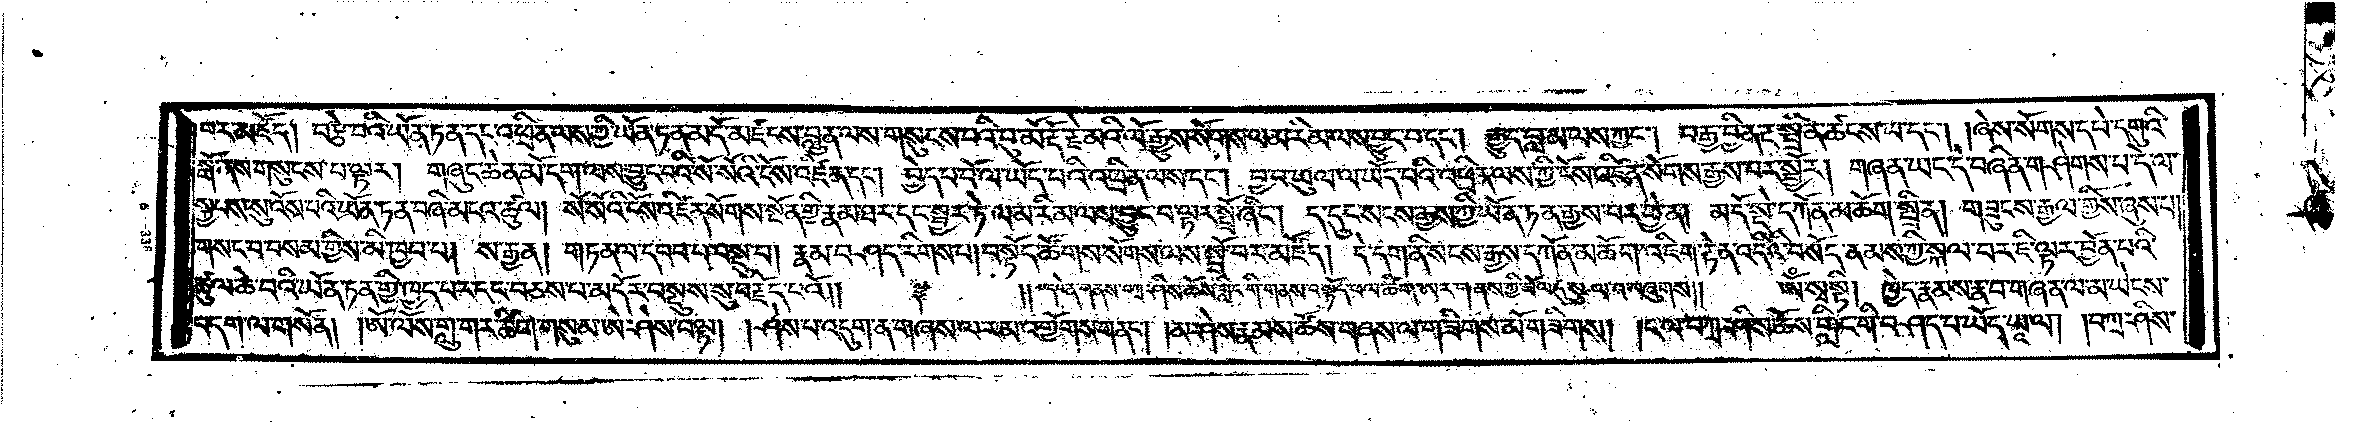གར་མཛོད། བཙ་བའི་ཡོན་ཏན་དང་འཕྲིན་ལས་ཀྱི་ཡོན་ཏན་མདོ་མཛངས་བླུན་ལས་གསུངས་པའི་བུ་མོ་རྡོ་རྗེ་མའི་ལོ་རྒྱུས་སོགས་ལམ་རིམ་ལས་བྱུང་པ་དང་། རྒྱུད་བླ་མ་ལས་ཀྱང་། བརྒྱ་བྱིན་རྔ་སྤྲིན་ཚངས་ལ་དང་། །ཞེས་སོགས་དཔེ་དགུའི་
སྒོ་ནས་གསུངས་པ་ལྟར། གཞུང་ཆེན་མོ་དག་ལས་བྱུང་བའི་སོ་སོའི་ངོས་འཛུང་དང་། བྱེད་པ་པོ་ལ་ཡོད་པའི་འཕྲིན་ལས་དང་། བྱ་པ་ཡུལ་ལ་ཡོད་པའི་འཕྲིན་ལས་ཀྱི་ངོས་འཛིན་སོགས་རྒྱས་པར་སྦྱོར། གཞན་ཡང་དེ་བཞིན་གཤེགས་པ་དེ་ལ་
སྐྱབས་སུ་འོས་པའི་ཡོན་ཏན་བཞི་མངའ་ཚུལ། སོ་སོའི་ངོས་འཛིན་སོགས་སྔོན་གྱི་རྣམ་ཐར་དང་སྦྱར་ཏེ་ལམ་རིམ་ལས་བྱུང་བ་ལྟར་སྤྲོ་ཞིང་། ད་དུང་སངས་རྒྱས་ཀྱི་ཡོན་ཏན་རྒྱས་བར་ཕྱེ་ན། མདོ་སྡེ་དཀོན་མཆོག་སྤྲིན། གཟུངས་རྒྱལ་གྱིས་ཞུས་པ།
གསང་བ་བསམ་གྱིས་མི་ཁྱབ་པ། ས་རྒྱན། གཏན་ལ་དབབ་པ་བསྡུ་བ། རྣམ་བཤད་རིགས་པ། བསྟོད་ཚོགས་སོགས་ལས་སྤྲོ་བར་མཛོད། དེ་དག་ནི་སངས་རྒྱས་དཀོན་མཆོག་འཇིག་རྟེན་འདིའི་བསོད་ནམས་ཀྱི་སྐལ་བར་ཇི་ལྟར་བྱོན་པའི་
ཚུལ་ཆེ་བའི་ཡོན་ཏན་གྱི་ཁྱད་པར་དང་བཅས་པ་མདོར་བསྡུས་སུ་བརྗོད་པའོ།། ༈ །།༧དབེན་གནས་བཀྲ་ཤིས་ཆོས་གླིང་གི་གནས་བསྟོད་ཕལ་ཚིག་ཨར་གནས་ཀྱི་ཟོལ?་དུ་སྩལ་བ་བཞུགས།།  ཨོཾ་སྭ་སྟི། ཁྱེད་རྣམས་རྣ་བ་གཞན་ལ་མ་ཡེངས་
བདག་ལ་གསོན། །ཨོ་ལོས་གླུ་གར་ཚིག་གསུམ་ཨེ་ཤེས་བལྟ། །ཤེས་པ་འདུག་ན་གཞས་ལ་རམ་འགྱོགས་གནང་། མ་ཤེས་རྣམས་ཚོས་གཞས་ལ་གཟིགས་མོ་གཟིགས། །ངལ་བཀྲ་ཤིས་ཆོས་གླིང་གི་བཤད་པ་ཡོད་ཡཱལ། །བཀྲ་ཤིས་